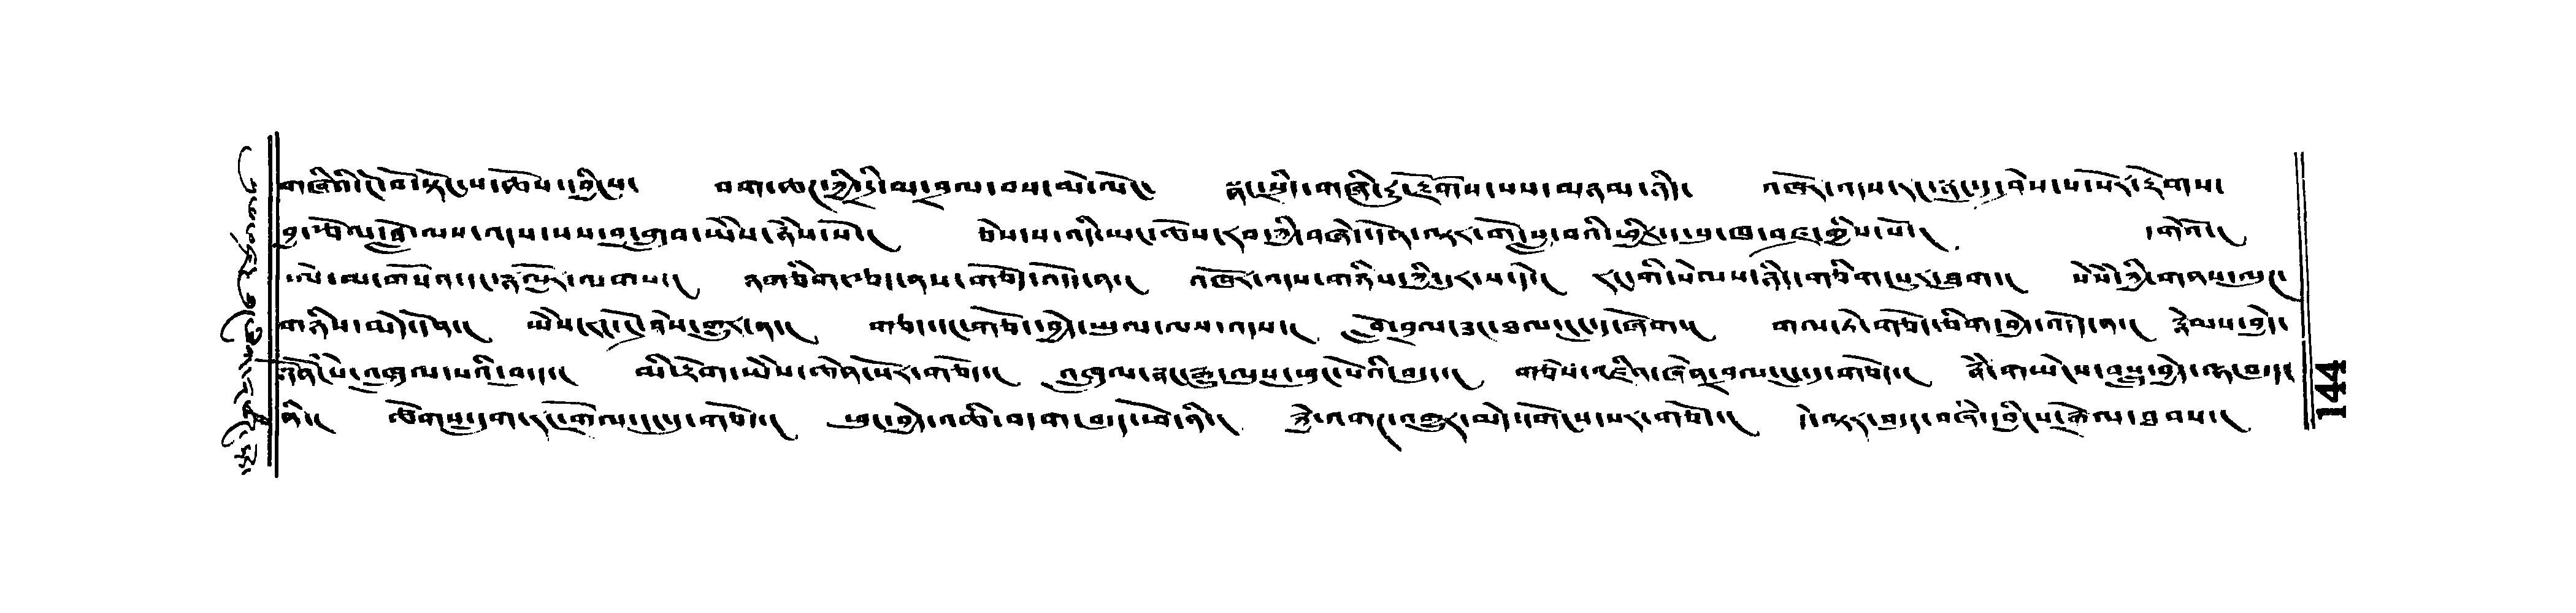གཞིའི་ངོ་བོར་སྟོང་པ་ཆོས་དབྱིངས། བག་ཆགས་ཀྱི་དྲི་མ་བྲལ་བས་མེ་ལོང་། སྣང་སྲིད་གཞི་རུ་རྫོགས་པས་མཉམ་ཉིད། འཁོར་འདས་རང་སྣང་དུ་ཤེས་པ་སོར་རྟོགས། 
བྱ་རྩོལ་བློ་ལས་འདས་པས་བྱ་གྲུབ་ཡེ་ཤེས་རྣམས་སོ། ཅེས་པ་འདི་ཡང་ཆོས་རབ་ཀྱི་བཞེད་དོན་ལྟར་གོ་སླ་བའི་ཕྱིར་དུ་སུ་ཁ་བཛྲ་གྱིས་སོ།། དགེའོ།། 
ཨེ་མ་གསོན་དང་རྣལ་འབྱོར་ལགས། །ཉག་གཅིག་རྩད་ནས་གཅོད་འདོད་ན། །འཁོར་འདས་གཉིས་ཀྱི་དུར་ས་དེ། །རང་གི་སེམས་ཉིད་གཅིག་པུར་ཐུག །སེམས་ཀྱི་གནས་ལུགས་
གཉིས་མེད་དོན། །ཡེ་ཤེས་རང་ངོ་ཤེས་གྱུར་ན། །གཅད་དང་གཅོད་བྱེད་ཡུལ་ལས་འདས། །བློ་བྲལ་ཟང་ཐལ་ངང་དུ་ཞོག །གལ་ཏེ་གཅོད་ཅིག་བྱེད་འདོད་ན། །སྙེམས་བྱེད་
ཉོན་མོངས་འཁྲུལ་པའི་བདུད། །མི་རྟོག་ཡེ་ཤེས་ཆེན་པོར་གཅོད། །འཁྲུལ་སྣང་སྒྱུ་ལུས་ཕུང་པོའི་བདུད། །གཅེས་འཛིན་ཞེན་བྲལ་ངང་དུ་གཅོད། །རྣམ་གཡེང་བསླུ་བྱེད་ལྷ་བདུད་
ནི། །ཚོགས་དྲུག་རང་གྲོལ་ངང་དུ་གཅོད། །ཕུང་བྱེད་འཆི་བདག་བདུད་ཕོ་ནི། །སྐྱེ་འགག་འགྱུར་མེད་དགོངས་པར་གཅོད། །དེ་ལྟར་བདུད་བཞི་དབྱིངས་སྒྲོལ་ཐབས།